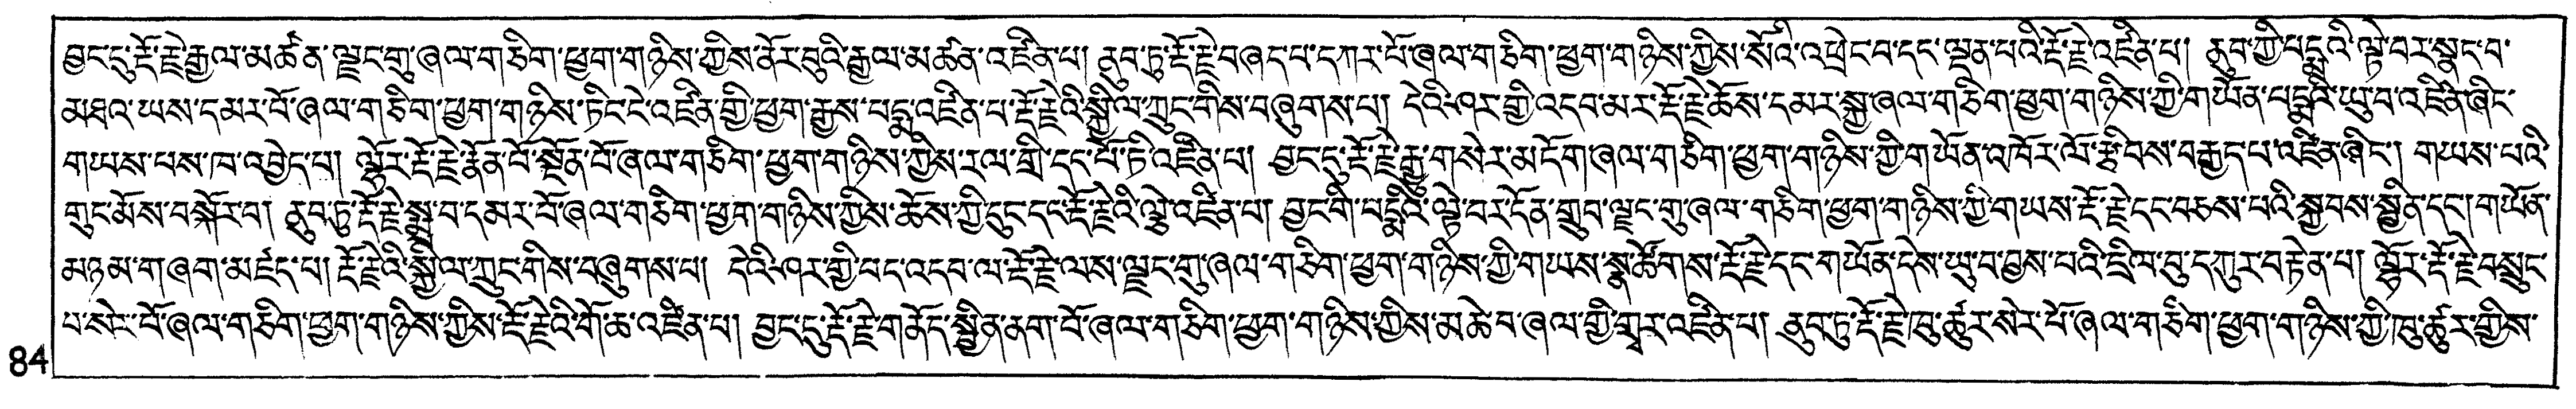བྱང་དུ་རྡོ་རྗེ་རྒྱལ་མཚན་ལྗང་གུ་ཞལ་གཅིག་ཕྱག་གཉིས་ཀྱིས་ནོར་བུའི་རྒྱལ་མཚན་འཛིན་པ། ནུབ་ཏུ་རྡོ་རྗེ་བཞད་པ་དཀར་པོ་ཞལ་གཅིག་ཕྱག་གཉིས་ཀྱིས་སོའི་འཕྲེང་བ་དང་ལྡན་པའི་རྡོ་རྗེ་འཛིན་པ། ནུབ་ཀྱི་པདམའི་ལྟེ་བར་སྣང་བ་
མཐའ་ཡས་དམར་པོ་ཞལ་གཅིག་ཕྱག་གཉིས་ཏིང་ངེ་འཛིན་གྱི་ཕྱག་རྒྱས་པདམ་འཛིན་པ་རྡོ་རྗེའི་སྐྱིལ་ཀྲུང་གིས་བཞུགས་པ། དེའི་ཤར་གྱི་འདབ་མར་རྡོ་རྗེ་ཆོས་དམར་སྐྱ་ཞལ་གཅིག་ཕྱག་གཉིས་ཀྱི་གཡོན་པདམའི་ཡུ་བ་འཛིན་ཞིང་
གཡས་པས་ཁ་འབྱེད་པ། ལྷོར་རྡོ་རྗེ་རྣོན་པོ་སྔོན་པོ་ཞལ་གཅིག་ཕྱག་གཉིས་ཀྱིས་རལ་གྲི་དང་པོ་ཏི་འཛིན་པ། བྱང་དུ་རྡོ་རྗེ་རྒྱུ་གསེར་མདོག་ཞལ་གཅིག་ཕྱག་གཉིས་ཀྱི་གཡོན་འཁོར་ལོ་རྩིབས་བརྒྱད་པ་འཛིན་ཞིང་། གཡས་པའི་
གུང་མོས་བསྐོར་བ། ནུབ་ཏུ་རྡོ་རྗེ་སྨྲ་བ་དམར་པོ་ཞལ་གཅིག་ཕྱག་གཉིས་ཀྱིས་ཆོས་ཀྱི་དུང་དང་རྡོ་རྗེའི་ལྕེ་འཛིན་པ། བྱང་གི་པདམའི་ལྟེ་བར་དོན་གྲུབ་ལྗང་གུ་ཞལ་གཅིག་ཕྱག་གཉིས་ཀྱི་གཡས་རྡོ་རྗེ་དང་བཅས་པའི་སྐྱབས་སྦྱིན་དང་། གཡོན་
མཉམ་གཞག་མཛད་པ། རྡོ་རྗེའི་སྐྱིལ་ཀྲུང་གིས་བཞུགས་པ། དེའི་ཤར་གྱི་པད་འདབ་ལ་རྡོ་རྗེ་ལས་ལྗང་གུ་ཞལ་གཅིག་ཕྱག་གཉིས་ཀྱི་གཡས་སྣ་ཚོགས་རྡོ་རྗེ་དང་གཡོན་དེས་ཡུ་བ་བྱས་པའི་དྲིལ་བུ་དཀུར་བརྟེན་པ། ལྷོར་རྡོ་རྗེ་བསྲུང་
པ་སེར་པོ་ཞལ་གཅིག་ཕྱག་གཉིས་ཀྱིས་རྡོ་རྗེའི་གོ་ཆ་འཛིན་པ། བྱང་དུ་རྡོ་རྗེ་གནོད་སྦྱིན་ནག་པོ་ཞལ་གཅིག་ཕྱག་གཉིས་ཀྱིས་མཆེ་བ་ཞལ་གྱི་གྲྭར་འཛིན་པ། ནུབ་ཏུ་རྡོ་རྗེ་ཁུ་ཚུར་སེར་པོ་ཞལ་གཅིག་ཕྱག་གཉིས་ཀྱི་ཁུ་ཚུར་གྱིས་